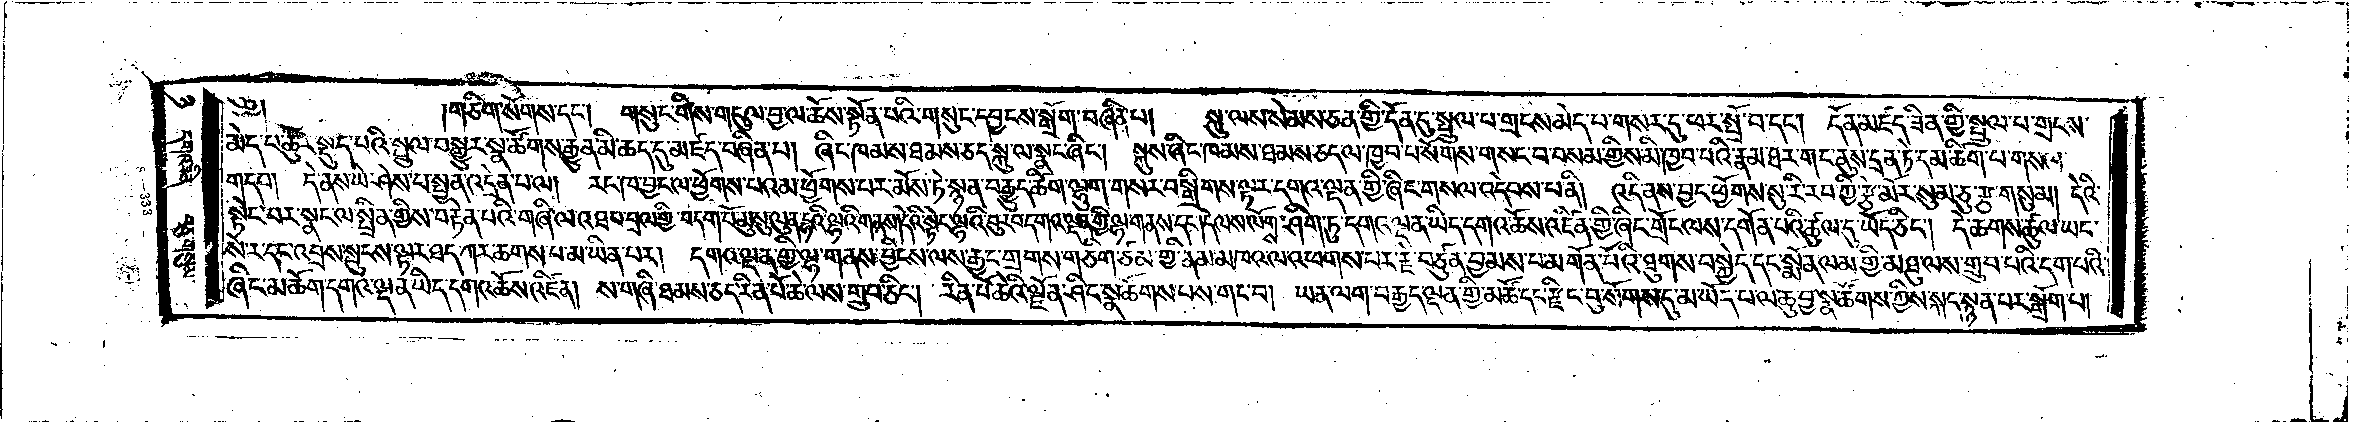༄༅། །གཅིག་སོགས་དང་། གསུང་གིས་གདུལ་བྱ་ལ་ཆོས་སྟོན་པའི་གསུང་དབྱངས་སྒྲོག་བཞིན་པ། སྐུ་ལས་སེམས་ཅན་གྱི་དོན་དུ་སྤྲུལ་པ་གྲངས་མེད་པ་གསར་དུ་ཕར་སྤྲོ་བ་དང་། དོན་མཛད་ཟིན་གྱི་སྤྲུལ་པ་གྲངས་
མེད་པ་ཚུར་སྡུད་པའི་སྤྲུལ་བསྒྱུར་སྣ་ཚོགས་རྒྱུན་མི་ཆད་དུ་མཛད་བཞིན་པ། ཞིང་ཁམས་ཐམས་ཅད་སྐུ་ལ་སྣང་ཞིང་། སྐུས་ཞིང་ཁམས་ཐམས་ཅད་ལ་ཁྱབ་པ་སོགས་གསང་བ་བསམ་གྱིས་མི་ཁྱབ་པའི་རྣམ་ཐར་གང་ནུས་དྲན་ཏེ་དམ་ཚིག་པ་གསལ་
གདབ། དེ་ནས་ཡེ་ཤེས་པ་སྤྱན་འདྲེན་པ་ལ། རང་ཁ་བྱང་ལ་ཕྱོགས་པའམ་ཕྱོགས་པར་མོས་ཏེ་སྙན་བརྒྱུད་ཚིག་ལྷུག་གསར་བསྒྲིགས་ལྟར་དགའ་ལྡན་གྱི་ཞིང་གསལ་འདེབས་པ་ནི། འདི་ནས་བྱང་ཕྱོགས་སུ་རི་རབ་ཀྱི་རྩེ་མོར་སུམ་ཅུ་རྩ་གསུམ། དེའི་
སྟེང་བར་སྣང་ལ་སྤྲིན་གྱིས་བརྟེན་པའི་གཞི་ལ་འཐབ་བྲལ་གྱི་བདག་པོ་མུ་སུ་ལུན་དྷའི་ལྷའི་གནས། དེའི་སྟེང་ལྷའི་བུ་རབ་དགའ་ལྡན་གྱི་ལྷ་གནས་དང་། དེ་ལས་ལོགས་ཤིག་ཏུ་དགའ་ལྡན་ཡིད་དགའ་ཆོས་འཛིན་གྱི་ཞིང་གྲོང་ལས་དགོན་པའི་ཚུལ་དུ་ཡོད་ཅིང་། དེ་ཆགས་ཚུལ་ཡང་
སེ་ར་དང་འབྲས་སྤུངས་ལྟར་ཐད་ཀར་ཆགས་པ་མ་ཡིན་པར། དགའ་ལྡན་གྱི་ལྷ་གནས་བྱིངས་ལས་རྒྱང་གྲགས་གཅིག་ཙམ་གྱི་ནམ་མཁའ་ལ་འཕགས་པར་རྗེ་བཙུན་བྱམས་པ་མགོན་པོའི་ཐུགས་བསྐྱེད་དང་སྨོན་ལམ་གྱི་མཐུ་ལས་གྲུབ་པའི་དག་པའི་
ཞིང་མཆོག་དགའ་ལྡན་ཡིད་དགའ་ཆོས་འཛིན། ས་གཞི་ཐམས་ཅད་རིན་པོ་ཆེ་ལས་གྲུབ་ཅིང་། རིན་པོ་ཆེའི་ལྗོན་ཤིང་སྣ་ཚོགས་པས་གང་བ། ཡན་ལག་བརྒྱད་ལྡན་གྱི་མཚོ་དང་རྫིང་བུ་སོགས་དུ་མ་ཡོད་པ་ལ་ཆུ་བྱ་སྣ་ཚོགས་ཀྱིས་སྐད་སྙན་པར་སྒྲོག་པ།